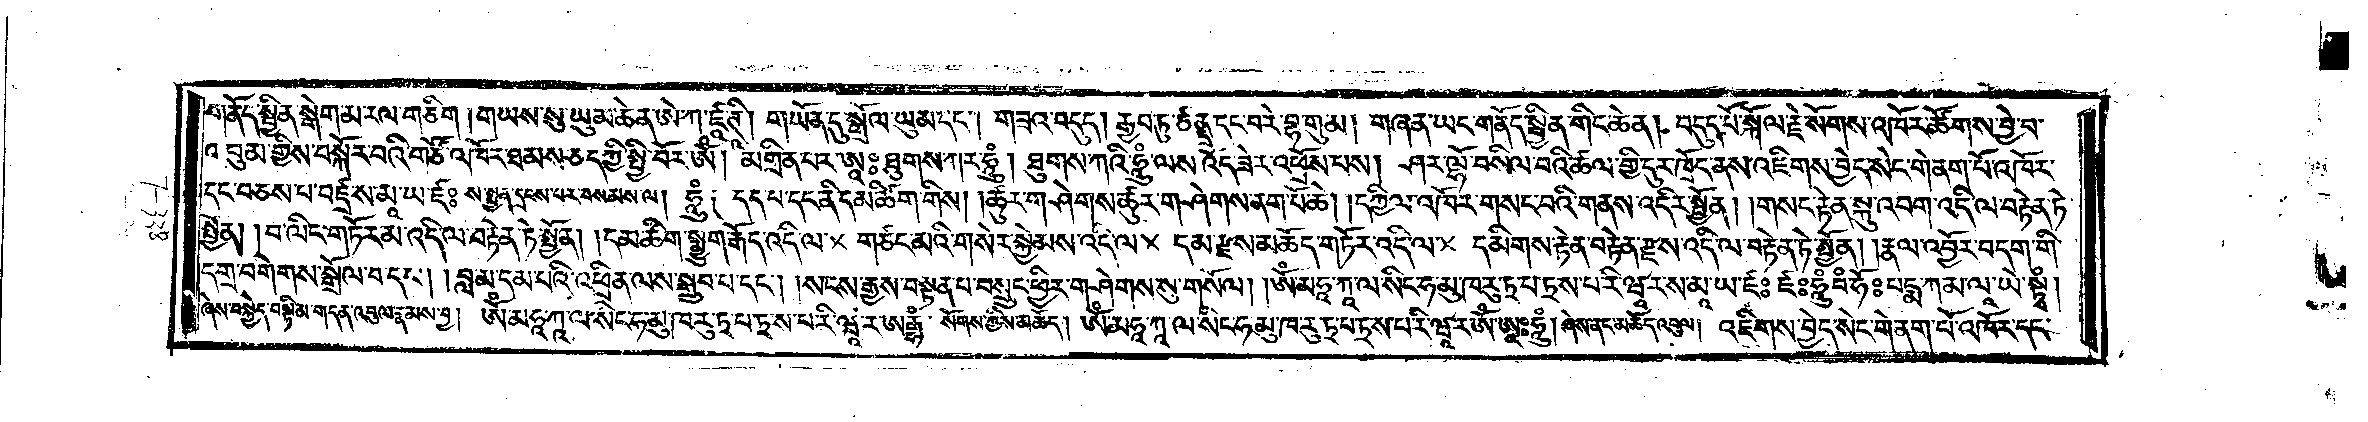གནོད་སྦྱིན་སྒེག་མ་རལ་གཅིག །གཡས་སུ་ཡུམ་ཆེན་ཨེ་ཀ་ཛཱ་ཊི། གཡོན་དུ་སྒྲོལ་ཡུམ་དང་། གཟའ་བདུད། རྒྱབ་ཏུ་ཙནྡྲ་དང་བ་རེ་བྷ་གུ་མ། གཞན་ཡང་གནོད་སྦྱིན་གིང་ཆེན། བདུད་པོ་སྐོལ་རྗེ་སོགས་འཁོར་ཚོགས་བྱེ་བ་
འབུམ་གྱིས་བསྐོར་བའི་གཙོ་འཁོར་ཐམས་ཅད་ཀྱི་སྤྱི་བོར་ཨོཾ། མགྲིན་པར་ཨཱཿཐུགས་ཀར་ཧཱུཾ། ཐུགས་ཀའི་ཧཱུཾ་ལས་འོད་ཟེར་འཕྲོས་པས། ཤར་ལྷོ་བསིལ་བའི་ཚལ་གྱི་དུར་ཁྲོད་ནས་འཇིགས་བྱེད་སེང་གེ་ནག་པོ་འཁོར་
དང་བཅས་པ་བཛྲ་ས་མཱ་ཡ་ཛཿས་སྤྱན་དྲངས་པར་བསམས་ལ། ཧཱུཾཿ དད་པ་དང་ནི་དམ་ཚིག་གིས། །ཚུར་གཤེགས་ཚུར་གཤེགས་ནག་པོ་ཆེ། །དཀྱིལ་འཁོར་གསང་བའི་གནས་འདིར་སྦྱོན། །གསང་རྟེན་སྐུ་འབག་འདི་ལ་བརྟེན་ཏེ་
སྦྱོན༑ །བ་ལིང་གཏོར་མ་འདི་ལ་བརྟེན་ཏེ་སྦྱོན། །དམ་ཚིག་སྨྱུག་རྒོད་འདི་ལ་྾་གཙང་མའི་གསེར་སྐྱེམས་འདི་ལ་྾་དམ་རྫས་མཆོད་གཏོར་འདི་ལ་྾་དམིགས་རྟེན་བརྟེན་རྫས་འདི་ལ་བརྟེན་ཏེ་སྦྱོན། །རྣལ་འབྱོར་བདག་གི་
དགྲ་བགེགས་སྒྲོལ་བ་དང་། །བླ་མ་དམ་པའི་འཕྲིན་ལས་སྒྲུབ་པ་དང་། །སངས་རྒྱས་བསྟན་པ་བསྲུང་ཕྱིར་གཤེགས་སུ་གསོལ། །ཨོཾ་མཧཱ་ཀཱ་ལ་སིང་ཧ་མུ་ཁ་རུ་ཏྲ་པ་ཏྲས་པ་རི་ཝཱ་ར་ས་མཱ་ཡ་ཛཿཛཿཧཱུཾ་བཾ་ཧོཿཔདམ་ཀ་མ་ལཱ་ཡེ་སྟྭཾ།
ཞེས་བསྐྱེད་བསྟིམ་གདན་འབུལ་རྣམས་བྱ།  ཨོཾ་མཧཱ་ཀཱ་ལ་སིང་ཧ་མུ་ཁ་རུ་ཏྲ་པ་ཏྲ་ས་པ་རི་ཝཱ་ར་ཨརྒྷཾ། སོགས་ཀྱིས་མཆོད།  ཨོཾ་མཧཱ་ཀཱ་ལ་སིང་ཧ་མུ་ཁ་རུ་ཏྲ་པ་ཏྲ་ས་པ་རི་ཝཱ་ར་ཨོཾ་ཨཱཿཧཱུཾ། ཞེས་ནང་མཆོད་འབུལ།  འཇིགས་བྱེད་སེང་གེ་ནག་པོ་འཁོར་དང་